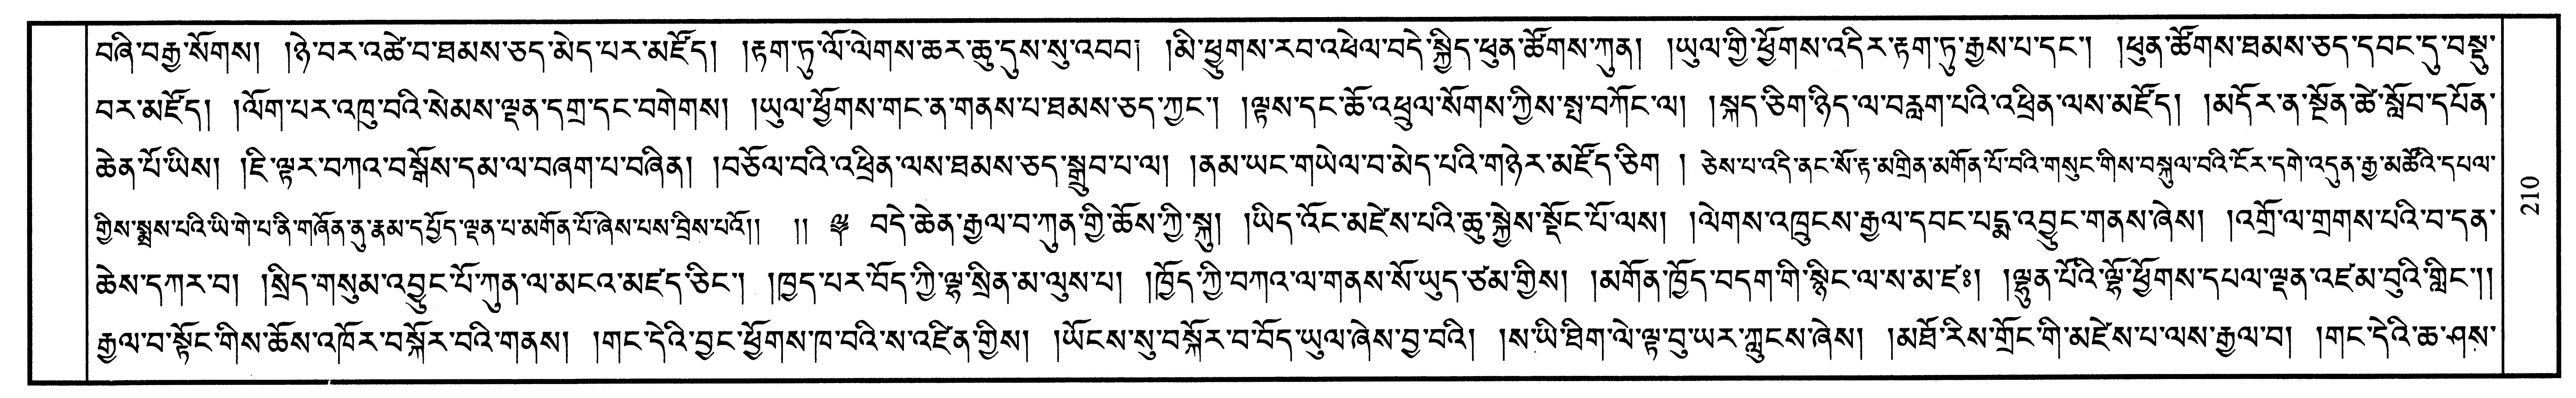བཞི་བརྒྱ་སོགས། །ཉེ་བར་འཚེ་བ་ཐམས་ཅད་མེད་པར་མཛོད། །རྟག་ཏུ་ལོ་ལེགས་ཆར་ཆུ་དུས་སུ་འབབ། །མི་ཕྱུགས་རབ་འཕེལ་བདེ་སྐྱིད་ཕུན་ཚོགས་ཀུན། །ཡུལ་གྱི་ཕྱོགས་འདིར་རྟག་ཏུ་རྒྱས་པ་དང་། །ཕུན་ཚོགས་ཐམས་ཅད་དབང་དུ་བསྡུ་
བར་མཛོད། །ལོག་པར་འཁུ་བའི་སེམས་ལྡན་དགྲ་དང་བགེགས། །ཡུལ་ཕྱོགས་གང་ན་གནས་པ་ཐམས་ཅད་ཀྱང་། །ལྟས་དང་ཆོ་འཕྲུལ་སོགས་ཀྱིས་སྤ་བཀོང་ལ། །སྐད་ཅིག་ཉིད་ལ་བརླག་པའི་འཕྲིན་ལས་མཛོད། །མདོར་ན་སྔོན་ཚེ་སློབ་དཔོན་
ཆེན་པོ་ཡིས། །ཇི་ལྟར་བཀའ་བསྒོས་དམ་ལ་བཞག་པ་བཞིན། །བཅོལ་བའི་འཕྲིན་ལས་ཐམས་ཅད་སྒྲུབ་པ་ལ། །ནམ་ཡང་གཡེལ་བ་མེད་པའི་གཉེར་མཛོད་ཅིག །ཅེས་པ་འདི་ནང་སོ་རྟ་མགྲིན་མགོན་པོ་བའི་གསུང་གིས་བསྐུལ་བའི་ངོར་དགེ་འདུན་རྒྱ་མཚོའི་དཔལ་
གྱིས་སྨྲས་པའི་ཡི་གེ་པ་ནི་གཞོན་ནུ་རྣམ་དཔྱོད་ལྡན་པ་མགོན་པོ་ཞེས་པས་བྲིས་པའོ།། །། ༈ བདེ་ཆེན་རྒྱལ་བ་ཀུན་གྱི་ཆོས་ཀྱི་སྐུ། །ཡིད་འོང་མཛེས་པའི་ཆུ་སྐྱེས་སྡོང་པོ་ལས། །ལེགས་འཁྲུངས་རྒྱལ་དབང་པདམ་འབྱུང་གནས་ཞེས། །འགྲོ་ལ་གྲགས་པའི་བ་དང་
ཆེས་དཀར་བ། །སྲིད་གསུམ་འབྱུང་པོ་ཀུན་ལ་མངའ་མཛད་ཅིང་། །ཁྱད་པར་བོད་ཀྱི་ལྷ་སྲིན་མ་ལུས་པ། །ཁྱོད་ཀྱི་བཀའ་ལ་གནས་སོ་ཡུད་ཙམ་གྱིས། །མགོན་ཁྱོད་བདག་གི་སྙིང་ལ་ས་མ་ཛཿ། །ལྷུན་པོའི་ལྷོ་ཕྱོགས་དཔལ་ལྡན་འཛམ་བུའི་གླིང།།
རྒྱལ་བ་སྟོང་གིས་ཆོས་འཁོར་བསྐོར་བའི་གནས། །གང་དེའི་བྱང་ཕྱོགས་ཁ་བའི་ས་འཛིན་གྱིས། །ཡོངས་སུ་བསྐོར་བ་བོད་ཡུལ་ཞེས་བྱ་བའི། །ས་ཡི་ཐིག་ལེ་ལྟ་བུ་ཡར་ཀླུངས་ཞེས། །མཐོ་རིས་གྲོང་གི་མཛེས་པ་ལས་རྒྱལ་བ། །གང་དེའི་ཆ་ཤས་